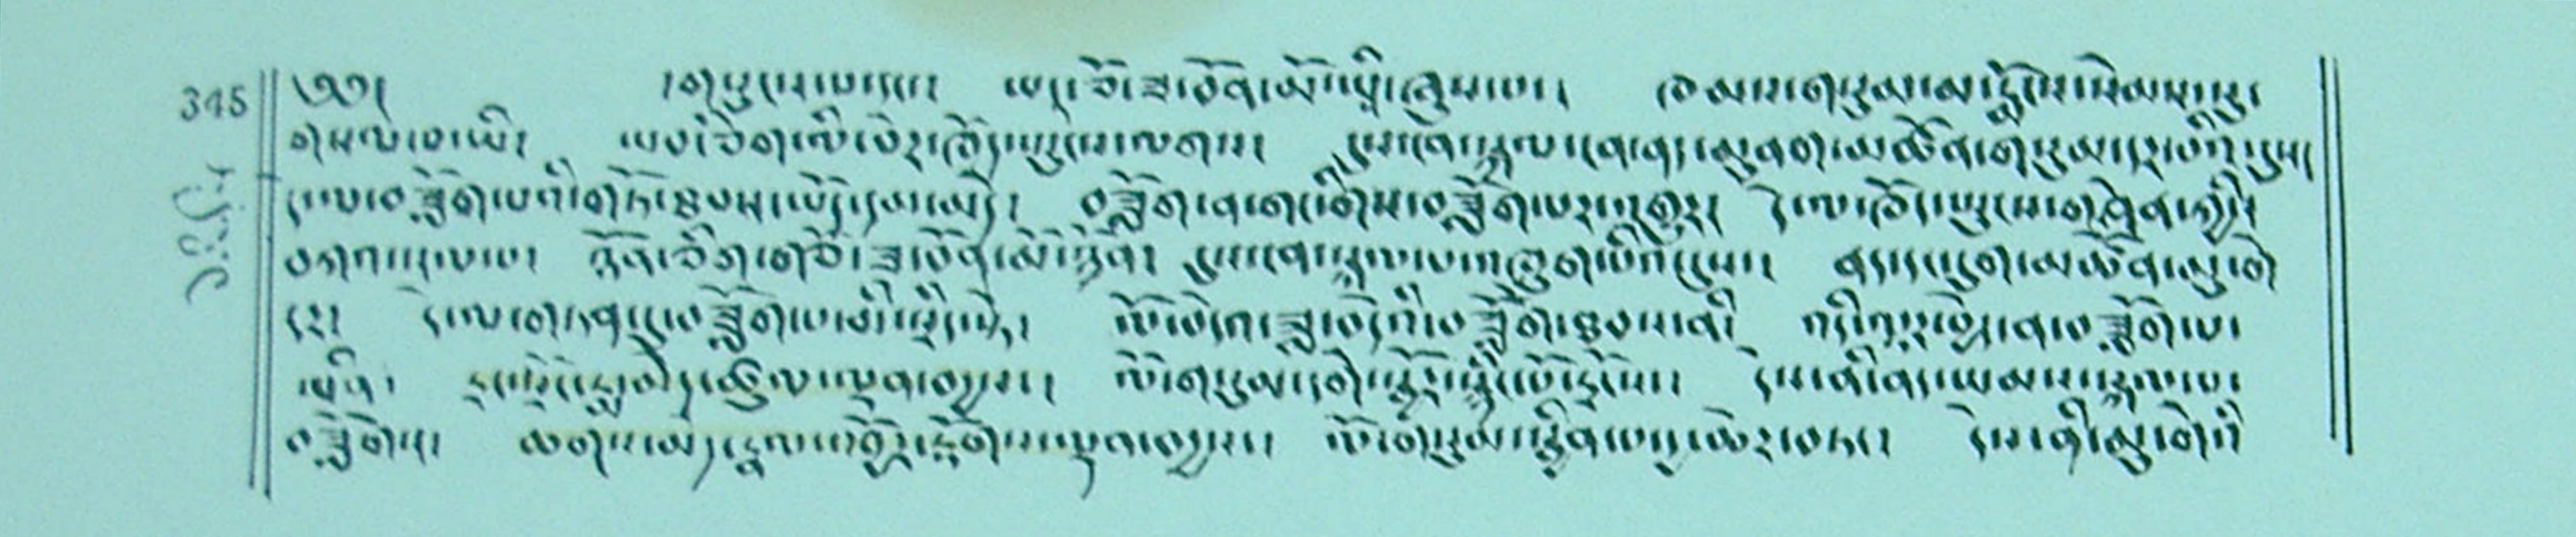༄༅། །གསུངས་པ་དང་། ཡང་གཅོ་ཟ་བོན་མོས་ཞུས་པ། ཁམས་གསུམ་མ་རྨོངས་སེམས་སུ་
གསལ་བ་ཡི། ཡབ་ཅིག་ལི་ཝེར་ཁོད་སྤུངས་ལགས། དུས་ངན་བསྐལ་ངན་ནད་མུག་མཚོན་གསུམ་དར་བའི་དུས། 
དེ་ལ་བཟློག་པའི་གཏོ་ཐབས་ཡོད་དམ་མེད། བཟློག་ན་གང་གིས་བཟློག་པར་འགྱུར། དེ་ལ་ཁོད་སྤུངས་གཤེན་གྱིས་
བཀའ་སྩལ་པ། ཉོན་ཅིག་གཅོ་ཟ་བོན་མོ་ཉོན། དུས་ངན་བསྐལ་པ་འཁྲུགས་པའི་དུས། ནད་དང་དུག་མཚོན་མུ་གེ་
དང་། དེ་ལ་གཏན་དུ་བཟློག་པ་མི་སྲིད་དེ། ལོ་བདེ་ཟླ་བདེའི་བཟློག་ཐབས་ནི། འདི་ལྟར་བྱེད་ན་བཟློག་པ་
ཡིན། དྲང་སྲོང་རྨ་མེད་ཚུལ་ལྡན་བརྒྱས། ལོ་གསུམ་དགེ་སྦྱོར་སྙིང་པོ་དྲོངས། དེས་ཡི་ནད་ཡམས་བསྐལ་པ་
བཟློག ཆགས་མེད་རྣལ་འབྱོར་རྟོགས་ལྡན་རྒྱས། ལོ་གསུམ་སྦྱིན་པ་རྒྱ་ཆེར་བཏང་། དེས་ནི་མུ་གེའི་